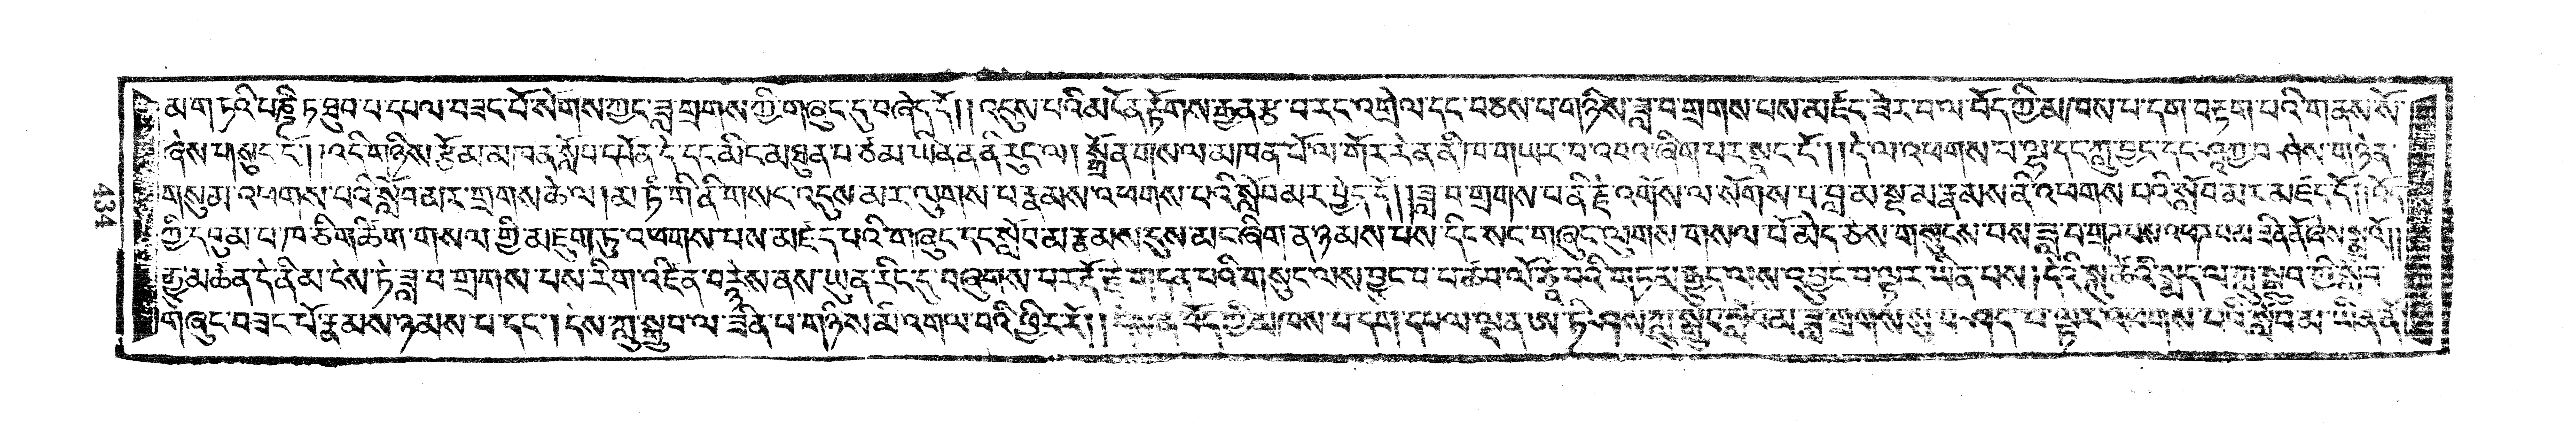མ་ག་ཏའི་པཎྜི་ཏ་ཐུབ་པ་དཔལ་བཟང་པོ་སོགས་ཀྱང་ཟླ་གྲགས་ཀྱི་གཞུང་དུ་བཞེད་དོ། །འདུས་པའི་མངོན་རྟོགས་རྒྱན་རྩ་བ་རང་འགྲེལ་དང་བཅས་པ་གཉིས་ཟླ་བ་གྲགས་པས་མཛད་ཟེར་བ་ལ་བོད་ཀྱི་མཁས་པ་དག་བརྟག་པའི་གནས་སོ་
ཞེས་གསུང་ངོ། །འདི་གཉིས་རྩོམ་མཁན་སློབ་དཔོན་དེ་དང་མིང་མཐུན་པ་ཙམ་ཡིན་ན་ནི་རུང་ལ། སྒྲོན་གསལ་མཁན་པོ་ལ་གོར་རེ་ན་ནི་ཁ་གཡར་བ་འབའ་ཞིག་བར་སྣང་ངོ། །དེ་ལ་འཕགས་པ་ལྷ་དང་ཀླུ་བྱང་དང་ཤཱཀྱ་བཤེས་གཉེན་
གསུམ་འཕགས་པའི་སློབ་མར་གྲགས་ཆེ་ལ། མ་ཏཾ་གི་ནི་གསང་འདུས་མར་ལུགས་པ་རྣམས་འཕགས་པའི་སློབ་མར་བྱེད་དོ། །ཟླ་བ་གྲགས་པ་ནི་རྗེ་འགོས་ལ་སོགས་པ་བླ་མ་སྔ་མ་རྣམས་ནི་འཕགས་པའི་སློབ་མར་མཛད་དོ། །བོད་
ཀྱི་དབུ་མ་པ་ཁ་ཅིག་ཚིག་གསལ་གྱི་མཇུག་ཏུ་འཕགས་པས་མཛད་པའི་གཞུང་དང་སློབ་མ་རྣམས་དུས་མང་ཞིག་ན་ཉམས་པས་དིང་སང་གཞུང་ལུགས་གསལ་པོ་མེད་ཅེས་གསུངས་པས་ཟླ་བ་གྲགས་པས་འཕགས་པ་མ་ཟིན་ནོ་ཞེས་སྨྲའོ། །
རྒྱུ་མཚན་དེ་ནི་མ་ངེས་ཏེ་ཟླ་བ་གྲགས་པས་རིག་འཛིན་བརྙེས་ནས་ཡུན་རིང་དུ་བཞུགས་པར་རྡོ་རྗེ་གདན་པའི་གསུང་ལས་བྱུང་བ་པ་ཚབ་ལོ་ཙཱ་བའི་གཏམ་རྒྱུད་ལས་འབྱུང་བ་ལྟར་ཡིན་པས། དེའི་སྐུ་ཚེའི་སྨད་ལ་ཀླུ་སྒྲུབ་ཀྱི་སློབ་
གཞུང་བཟང་པོ་རྣམས་ཉམས་པ་དང་། དེས་ཀླུ་སྒྲུབ་ལ་ཟིན་པ་གཉིས་མི་འགལ་བའི་ཕྱིར་རོ། །དེས་ན་བོད་ཀྱི་མཁས་པ་དག་དཔལ་ལྡན་ཨ་ཏི་ཤས་ཀླུ་སྒྲུབ་སློབ་མ་ཟླ་གྲགས་སུ་བཤད་པ་ལྟར་འཕགས་པའི་སློབ་མ་ཡིན་ནོ་